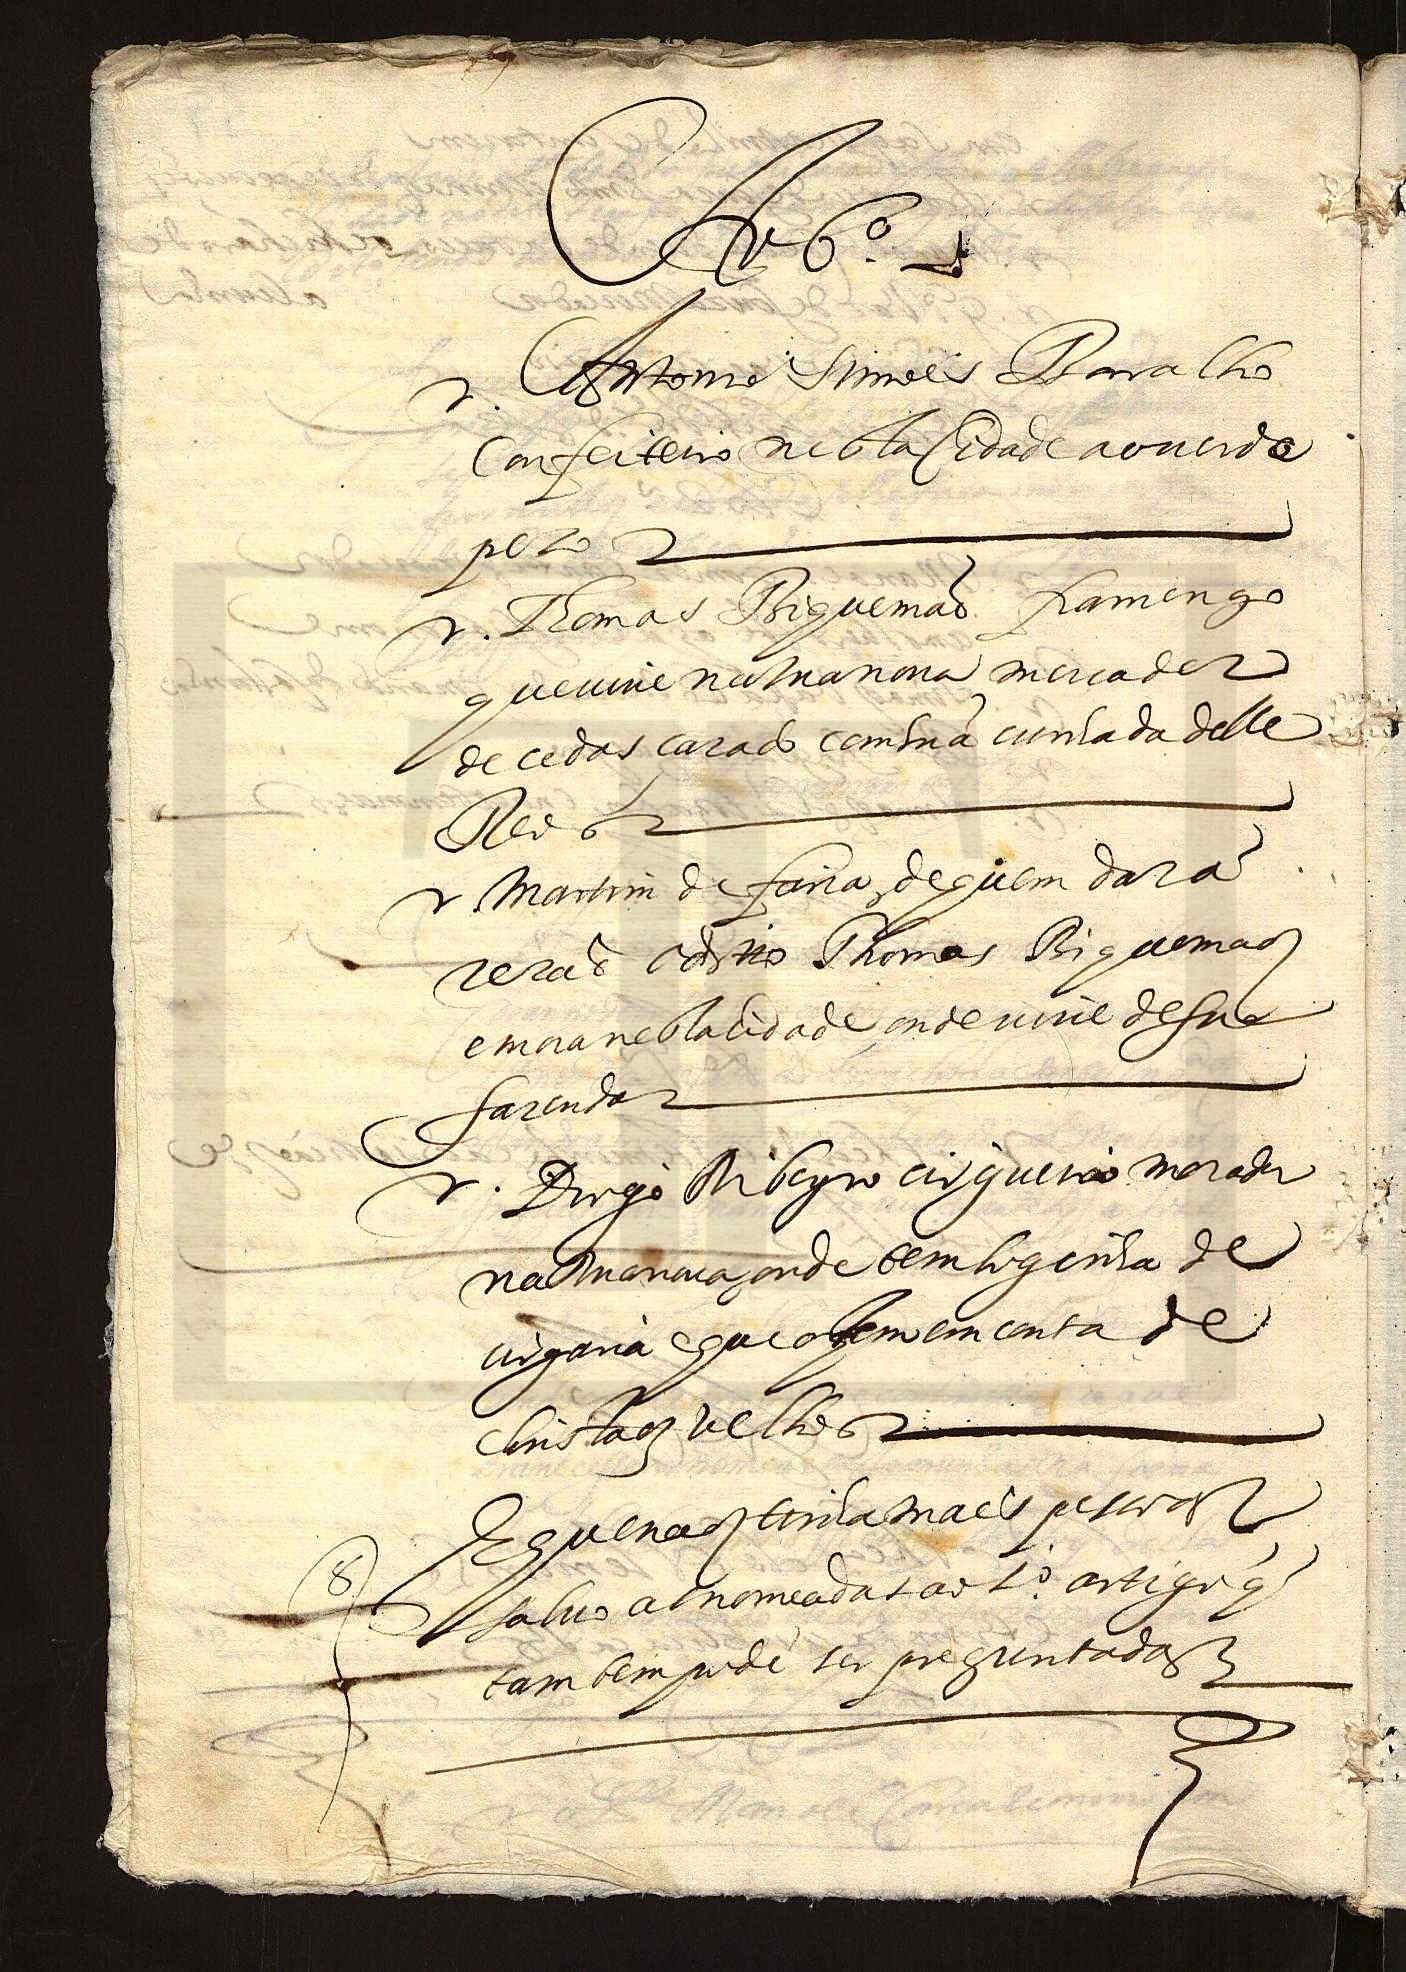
Ao 6.o
item. Antonio Simoes Baralho
confeiteiro nesta Cidade ao uerde
pezo
item. Thomas Biquemaõ framengo
que uiue na rua noua mercador
de cedas cazado com huā cunhado delle
Reo
item. martim de faria, de quem daraõ
rezaõ o ditto Thomas Biquemaõ
e mora nesta cidade, onde uiue de sua
fazenda
item. Diogo Ribeyro cirgueiro morador
na Rua noua, onde tem loginha de
cirgaria e que o tem em conta de
christaõs velhos
E que naõ tinha maes pessoas
saluo as nomeadas ao 1.o artigo q̄
tambem podē ser preguntadas
